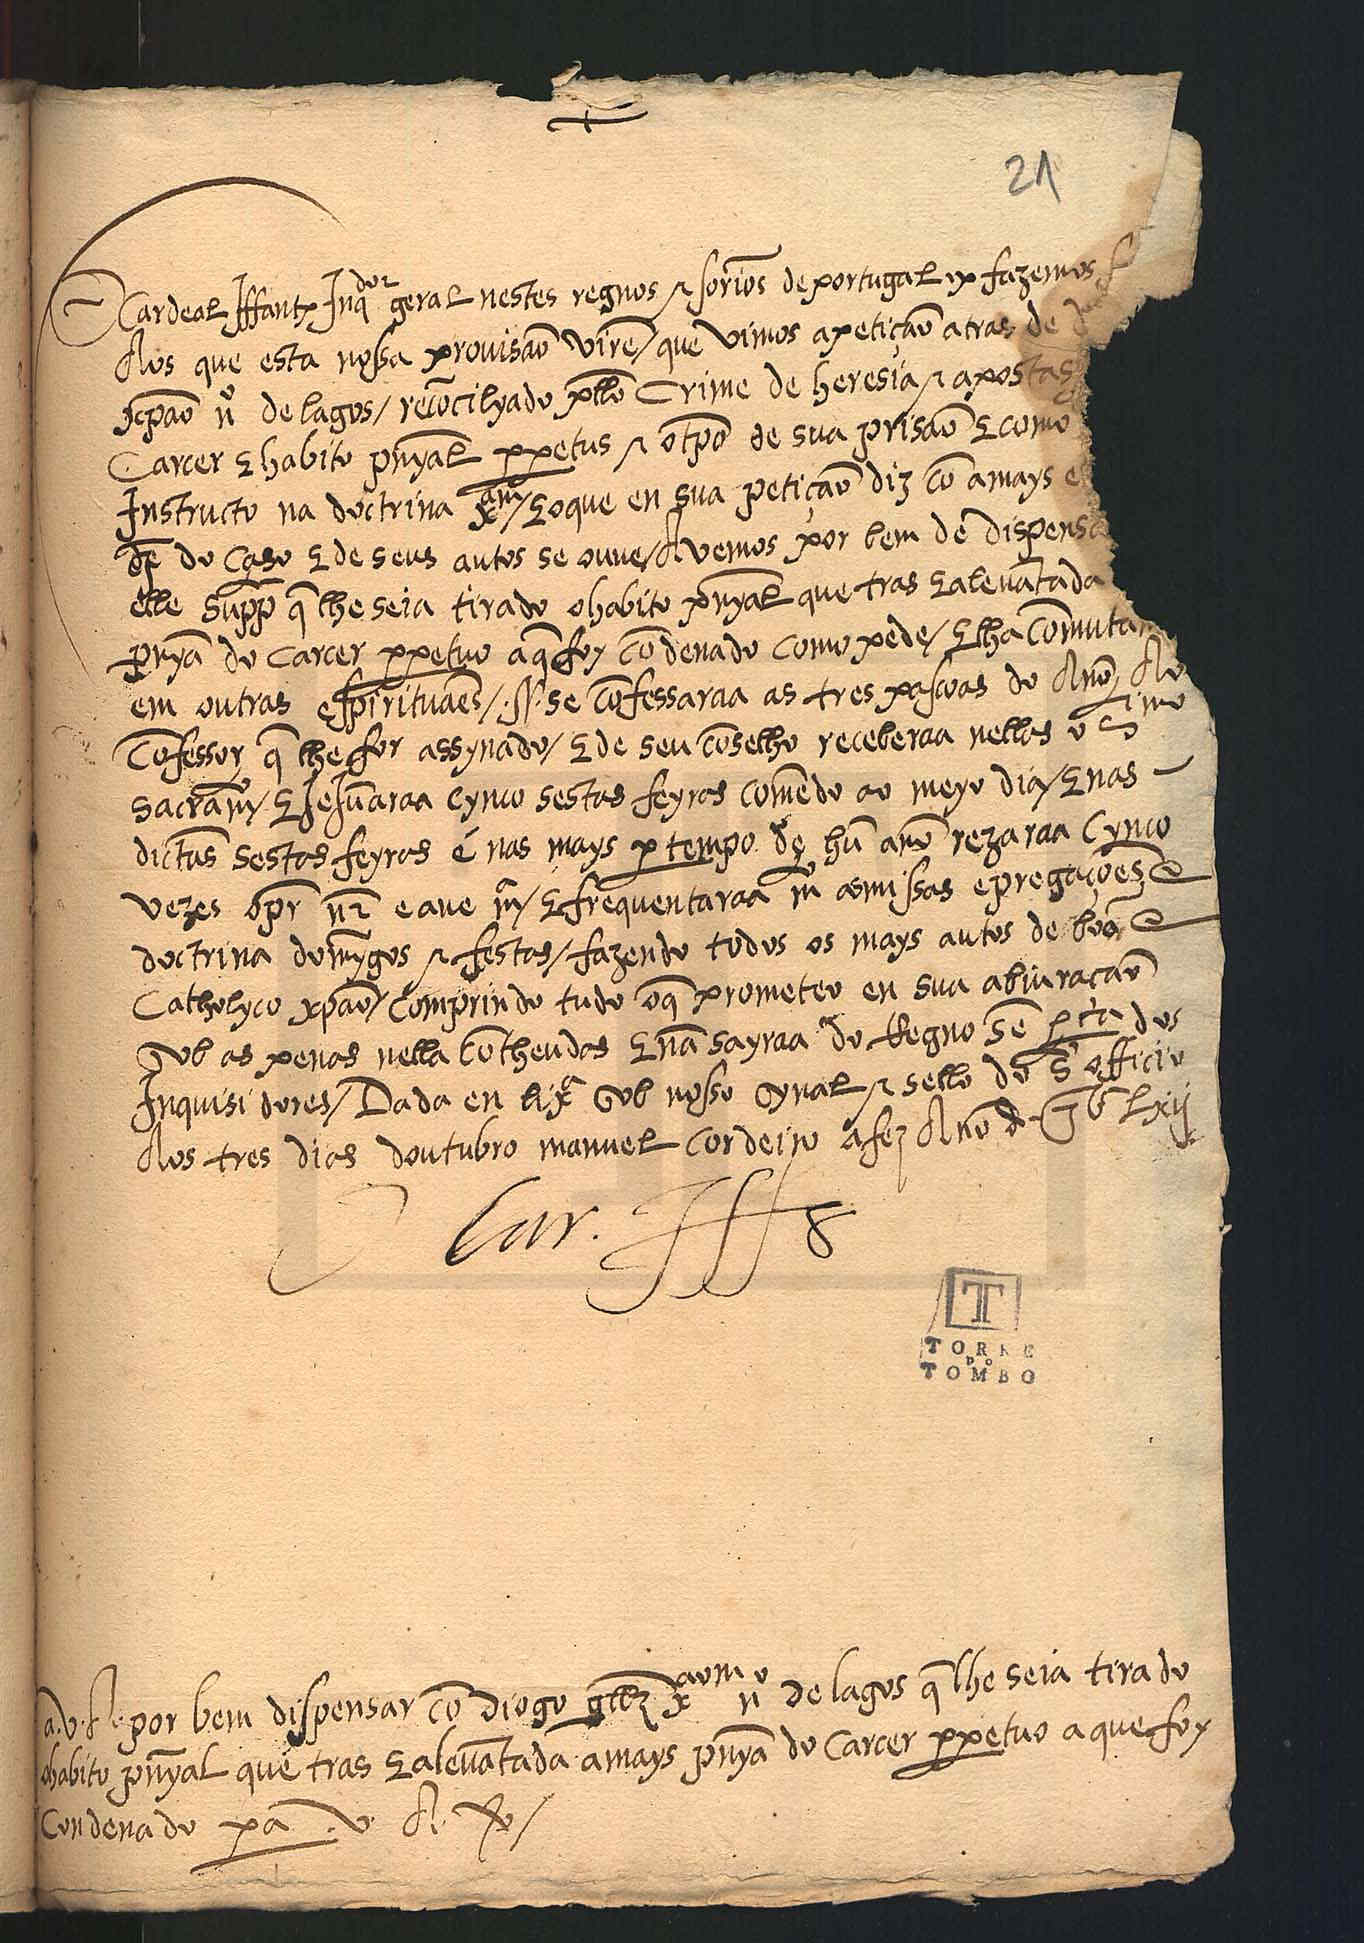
Cardeal Jffantꝭ Jnqdor geraL nestes regnos e sor̄ios de portugaL cꝭ fazemos
Aos que esta nossa prouisão virē que vimos a petição atras de
x̄pao no de lagos / recōcilyado p̄llo crime de heresia e apostas
carcer E habito pn̄yaL ꝑpetus e o t̄po de sua prisão E como
Jnstructo na doctrina xam / E o que en sua petição diz cō a mays e
t̄e do caso E de seus autos se ouue / Avemos por bem de dispensa
elle suppte q̄ lhe seia tirado o habito p̄nyaL que tras E aleuātada
pn̄ya do carcer ꝑpetuo a q̄ foy cōdenado como pede / E lha cōmuta
em outras espirituāes / .ss. se cōfessaraa as tres pascoas do An̄o Ao
cōfessor q̄ lhe for assynado / E de seu cōselho receberaa nellas o stimo
sacramto / E JeJūaraa cynco sestas feyras com̄edo ao meyo dia / E nas
dic̄tas sestas feyras e nas mays ꝑ tempo de hū an̄o rezaraa cynco
vezes o p̄r n̄r e aue ma / E frequentaraa mto as missas e pregações cō
doctrina dom̄ygos e festas / fazendo todos os mays autos de bōo e
catholyco xp̄ao / comprindo tudo o q̄ prometeo en sua abiuraçaõ
sob as penas nella cōtheudas E nā sayraa do Regno sē Lça dos
Jnquisidores / Dada en lixa sob nosso synal e sello do sto officio
Aos tres dias doutubro manuel cordeiro a fez An̄o de jbc lxij
O Car. Jffꝭ
a V. A. por bem dispensar cō diogo ḡllz xaom no de lagos q̄ lhe seia tirado
o habito pn̄yaL que tras E aleūatada a mays pn̄ya do carcer ꝑpetuo a que foy
condenado ꝑa V. A. ꝟ /
